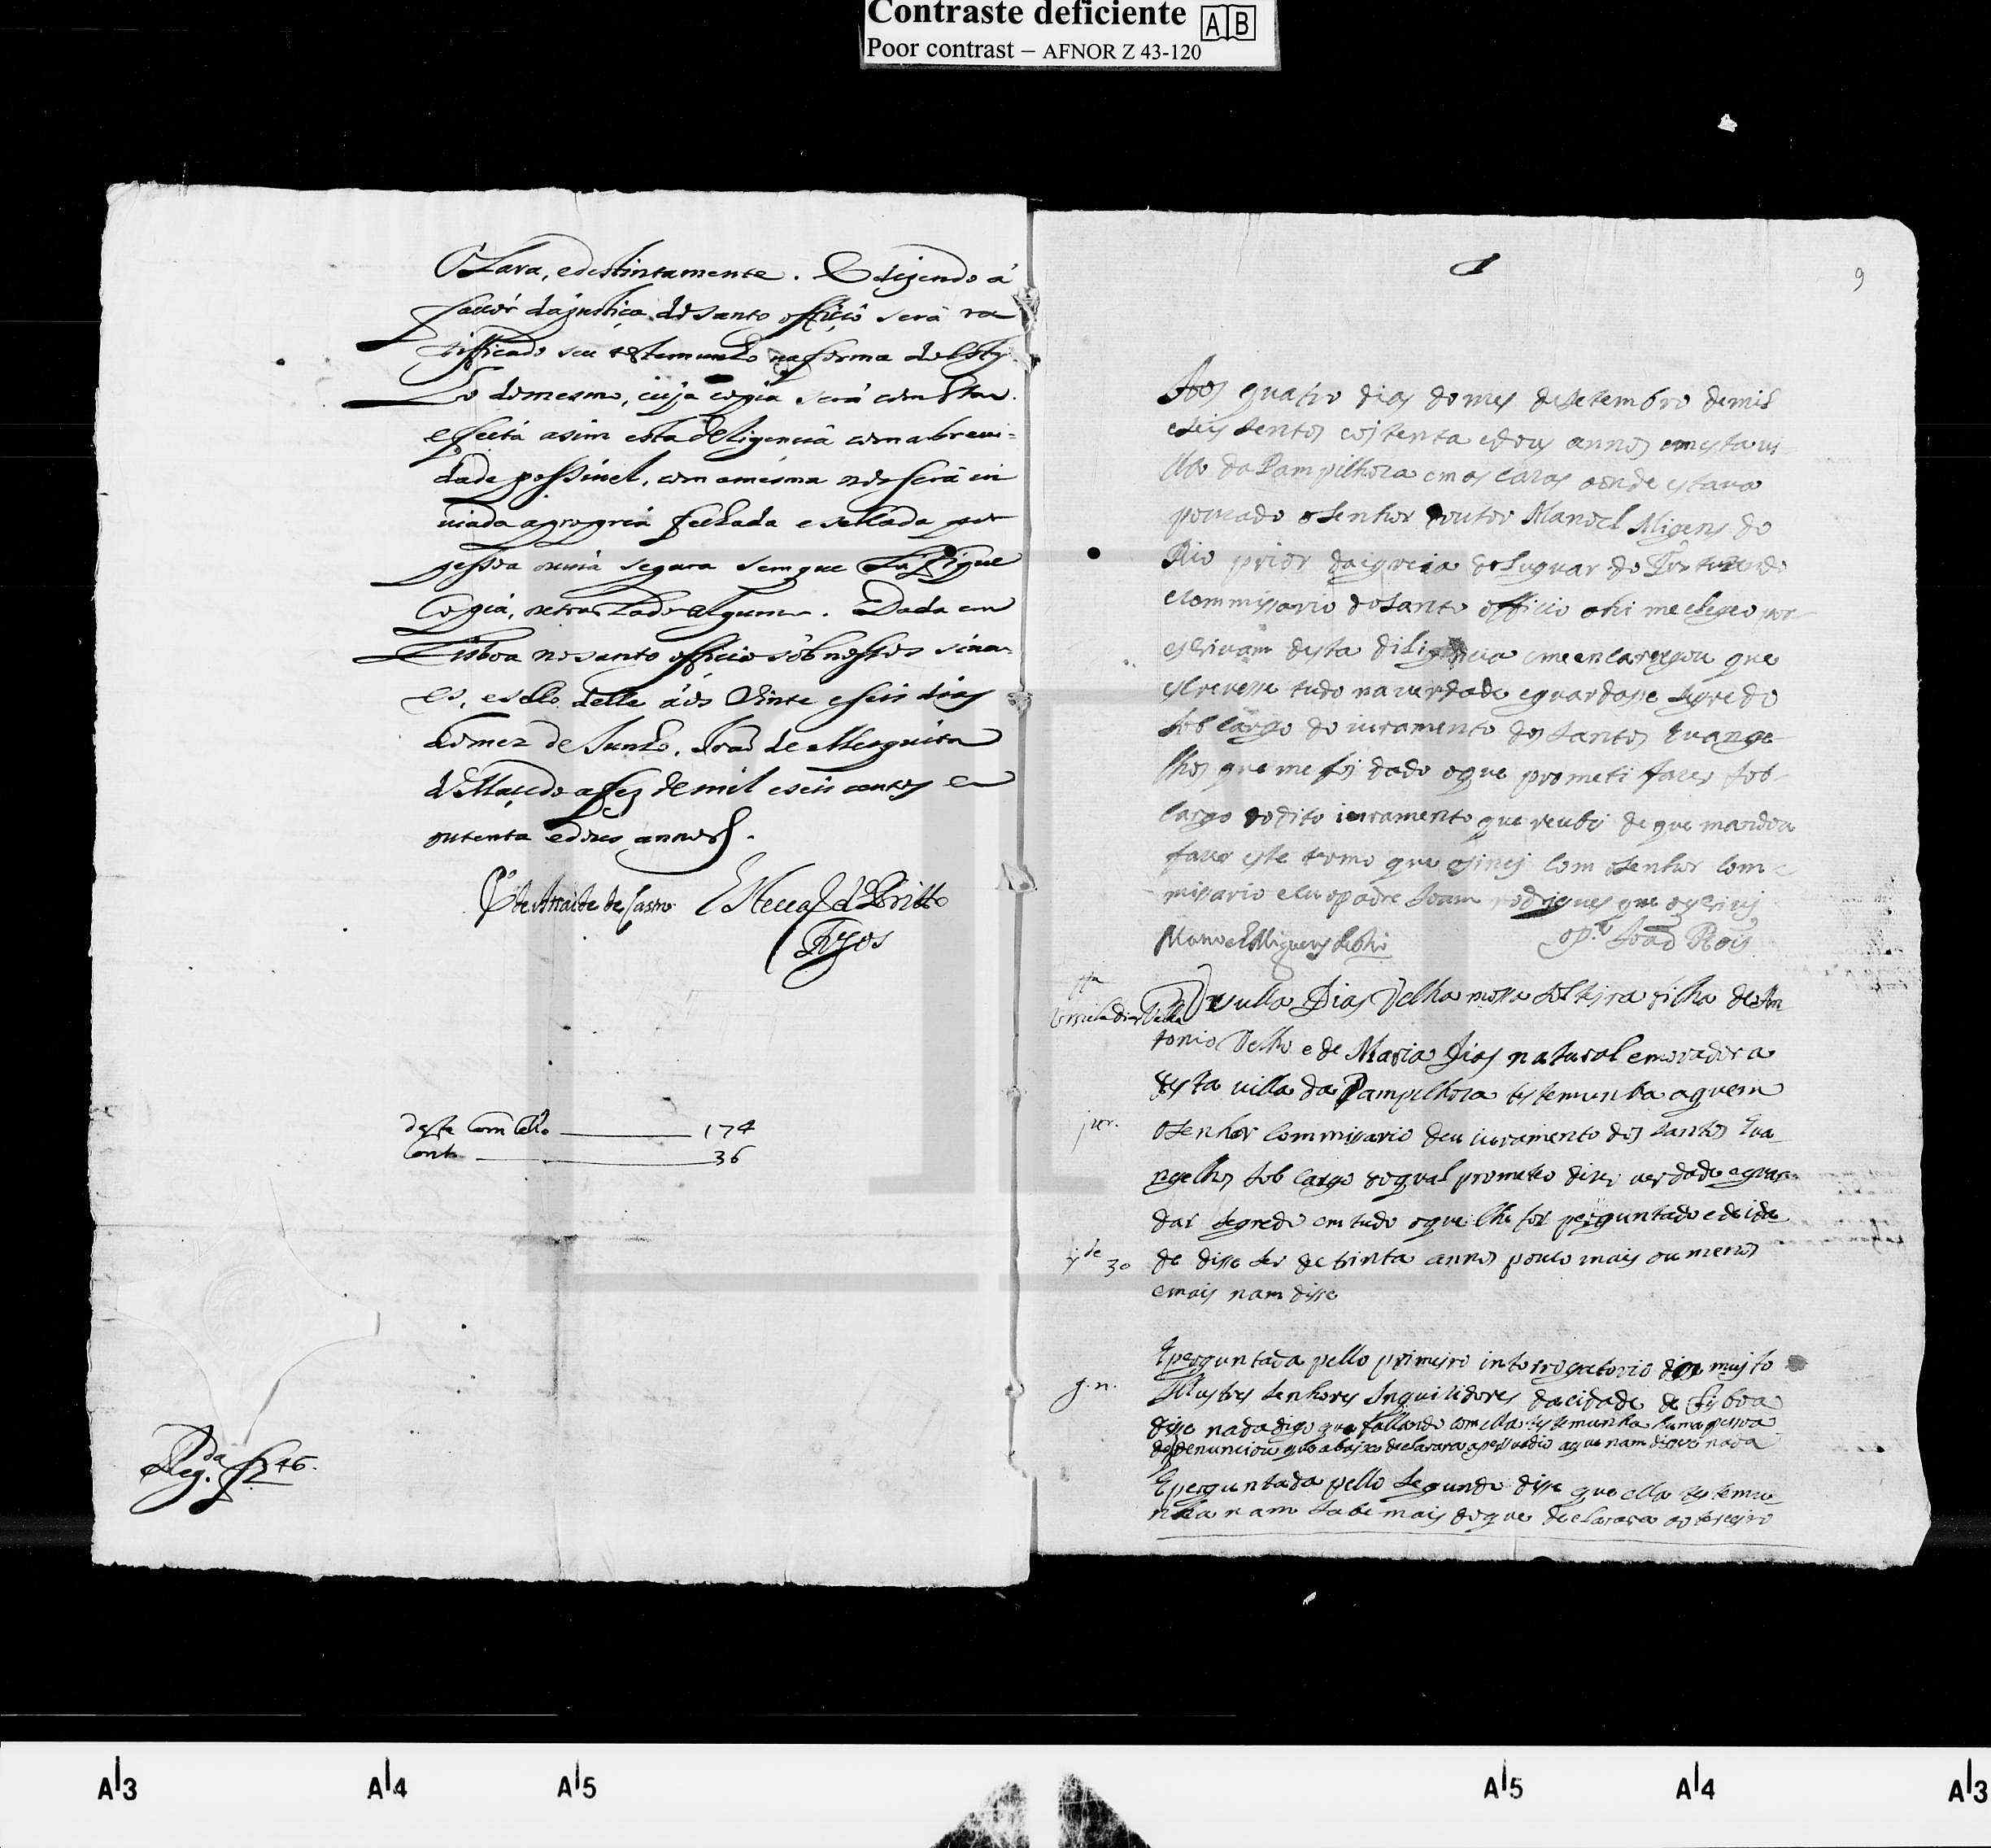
Clara, e destintamente. E dizendo á
fauor da justiça do santo officio será ra
tificado seu testemunho na forma do esty
Lo do mesmo, cuja copia, será com esta.
e feita asim esta deligencia com a breui
dade possiuel, com a mesma nos será in
uiada a propria fechada e sellada por
pessoa onrosa segura sem que La fique
Copia, ou trasLado algum. Dada em
Lisboa no santo officio sob nossos sina
es, e sello delle aos Vinte e seis dias
do mez de Iunho. Ioaõ de Mesquita
de Macedo a fez de mil e seiscentos e
outenta e dous annos.
Po de Attaide de Castro ESteuaõ de Britto
Foyos
desta Com Cello
174
Conta
36
Reg.da fL. 46.
Aos quatro dias do mes de setembro de mil
e seissentos e ojtenta e dous annos em esta ui
lla da Pampilhoza em as cazas aonde estaua
pouzado o senhor Doutor Manoel Migens do
Rio prior da igreia do luguar do Tortuzendo
e commissario do santo officio ahi me elegeo por
escriuam desta diligencia e me encarregou que
escrevesse tudo na uerdade e guardasse segredo
sob cargo do iuramento dos santos Euange
lhos que me foi dado o que prometi fazer sob
cargo do dito iuramento que recebi de que mandou
fazer este termo que asinej com o senhor com
missario e eu o padre Ioam Rodrigues que o escriuj
o p.e Ioaõ Roiz̄
Manoel Miguens de Rio
tta
Vrsula dias Velha
Ursulla Dias Velha mossa solteira filha de An
tonio Velho e de Maria Dias natural e moradora
desta uilla da Pampelhoza testemunha a quem
jur.
o senhor commissario deu iuramento dos santos Eua
ngelhos sob cargo do qual prometeo dizer uerdade e guar
dar segredo em tudo o que lhe for perguntado e de ida
yde 30
de disse ser de trinta annos pouco mais ou menos
e mais nam disse
g. n.
E perguntada pello primeiro intorrogatorio dos mujto
Illustres Senhores Inquizidores da cidade de Lisboa
disse nada digo que fallando com ella testemunha huma pessoa
do q̄ denunciou que abajxo declarara a pessuadio a que nam dissese nada
E perguntada pello segundo disse que ella testemu
nha nam sabe mais do que declarara ao terceiro
